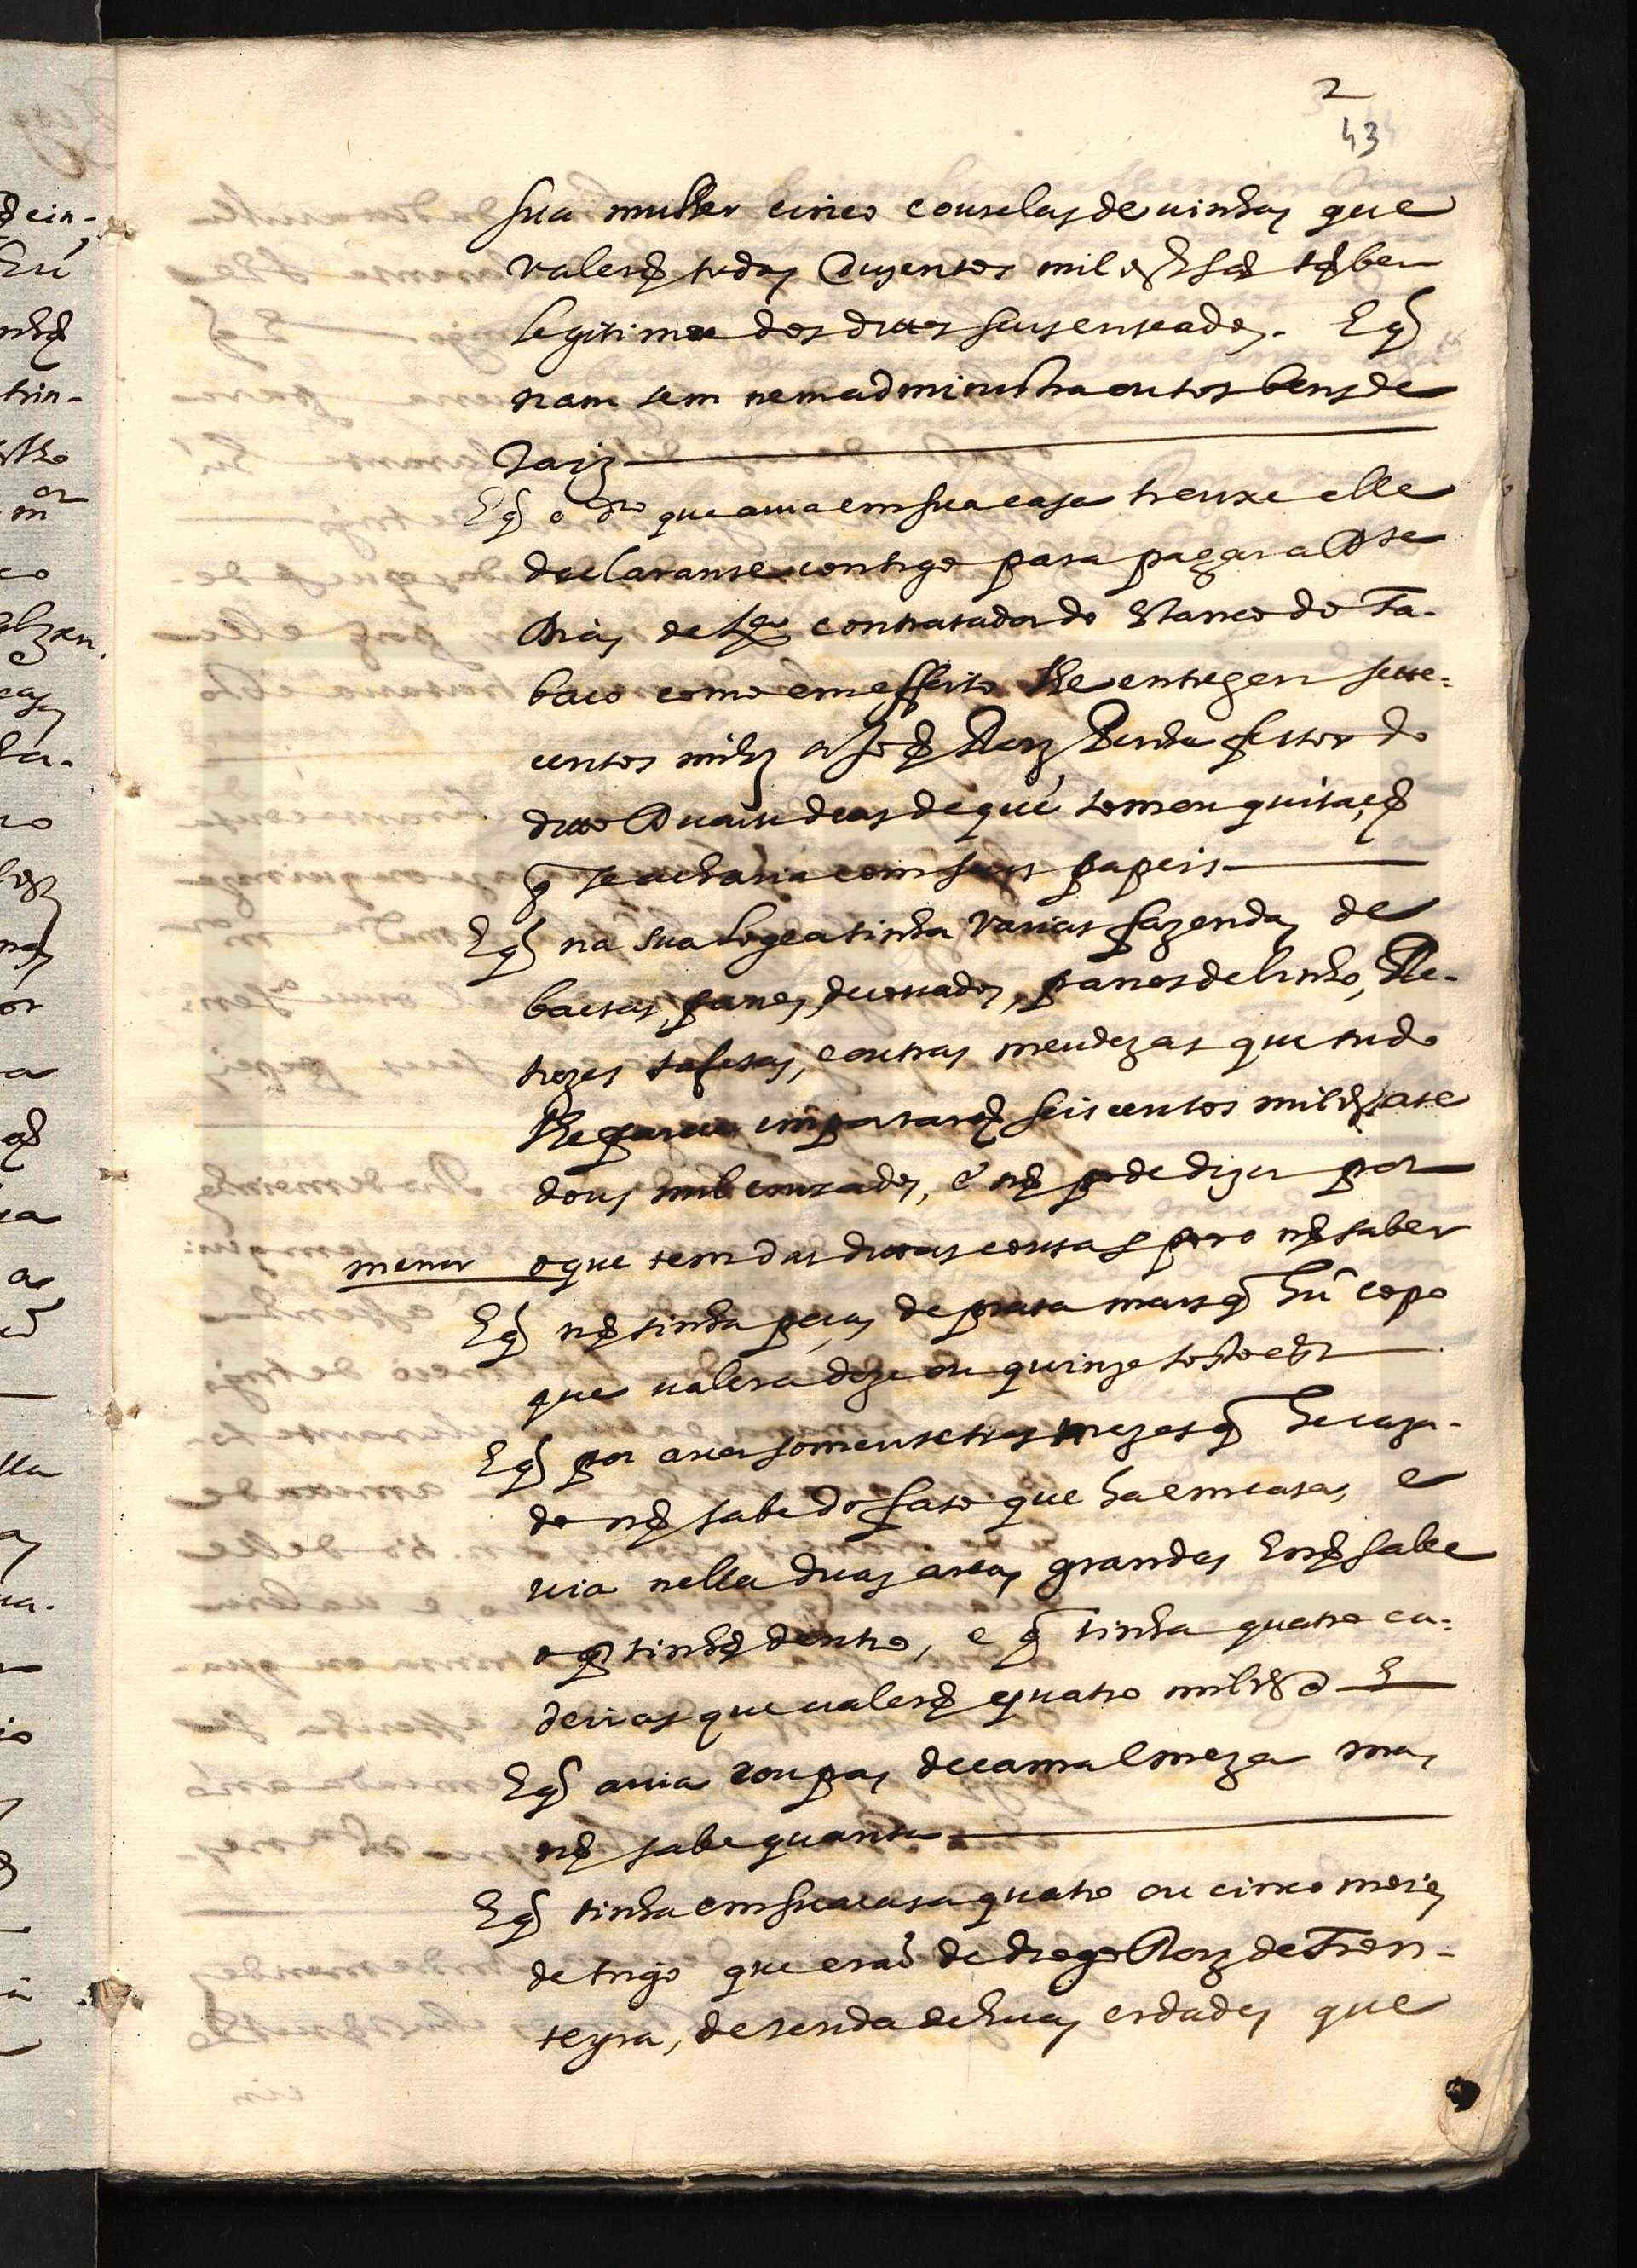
sua mulher cinco courelas de uinhas que
valerão todas duzentos mil rs E são tãobem
legitimas dos dittos seus enteados. E q̄
nam tem nem administra outtos bens de
Raiz
E q̄ o dro que auia em sua casa trouxe elle
declarante consigo para pagar a Dte
Dias de Lxa, contratador do estanco do Ta
baco como em effeito lhe entregou sette
centos mil rs a João Roiz Penha feitor do
ditto Duarte dias de quē tomou quitação
q̄ se acharia com seus papeis
E q̄ na sua Logea tinha varias fazendas de
baetas, panos de cossados, panos de linho, Re
trozes tafetas, e outras meudezas que tudo
lhe parece importarão seiscentos mil rs ate
dous mil cruzados, e não pode dizer por
o que tem das dittas cousas por o não saber
E q̄ não tinha peças de prata mais q̄ hū copo
que ualera doze ou quinze tostoes
E q̄ por auer somente tres mezes q̄ he caza
do não sabe do fato que ha em casa, e
uia nella duas arcas grandes E não sabe
o q̄ tinhão dentro, e q̄ tinha quatro ca
deiras que ualerão quatro mil rs
E q̄ auia roupas de cama e meza mas
não sabe quanta
E q̄ tinha em sua casa quatro ou cinco moios
de trigo que eraõ de diogo Roiz de Fron
teyra, de renda de huas erdades que
